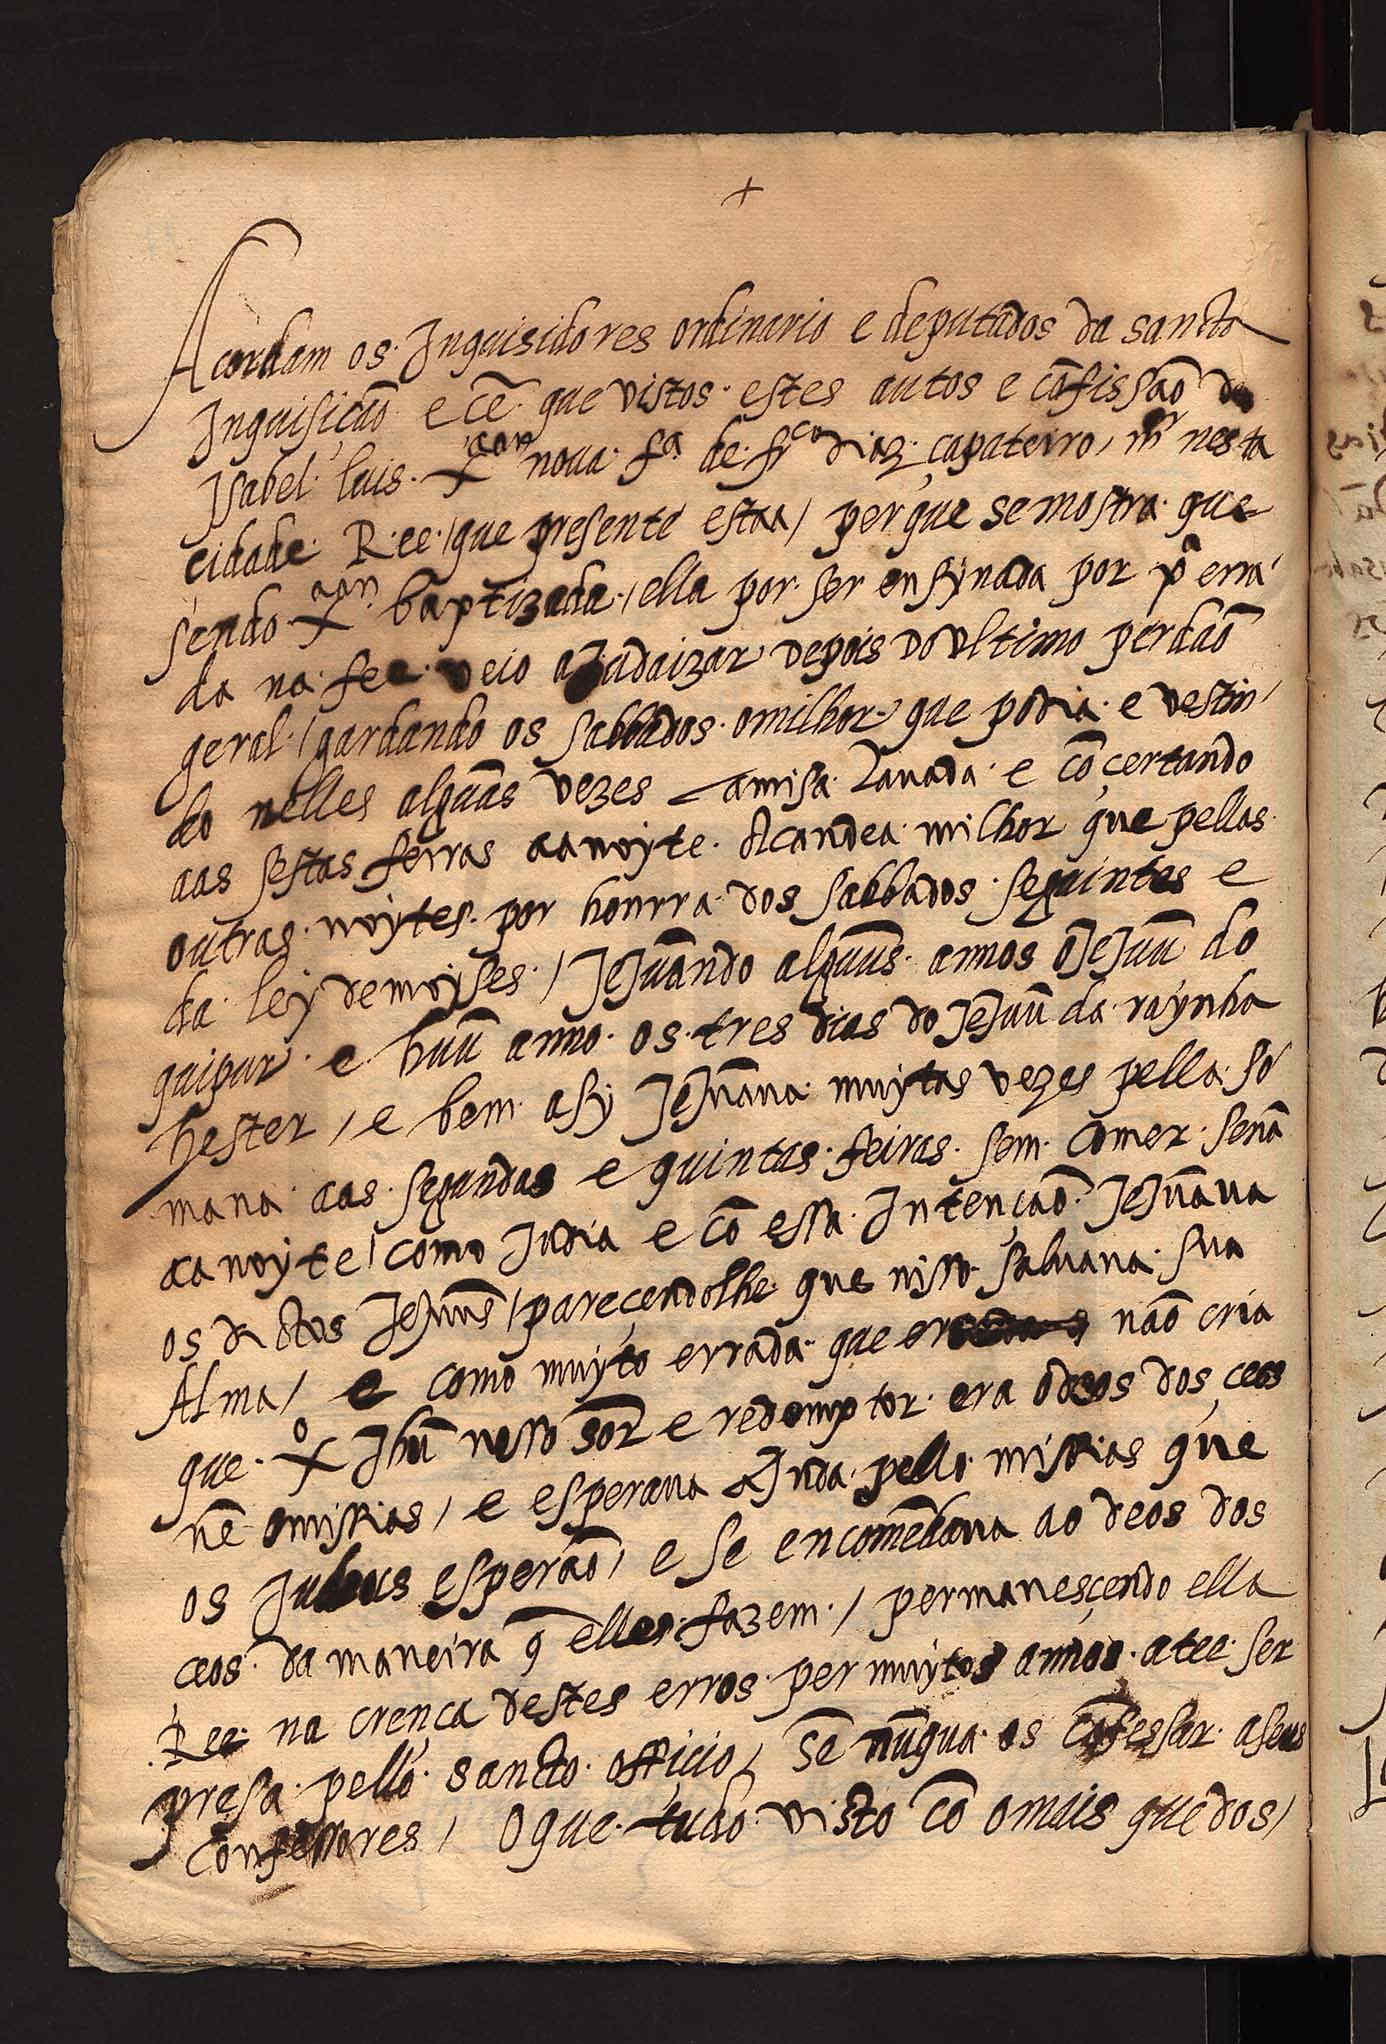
Acordam os Jnquisidores ordinario e deputados da sancta
Jnquisição e cē que vistos estes autos e cōfissão de
Jsabel luis xaam noua fa de frco diaz çapateiro, mor nesta
cidade Ree / que presente estaa / per que se mostra que
sendo xaam baptizada / ella por ser ensynada por pa erra
da na fee veio a Judaizar Depois Do vltimo perdaõ
geral / gardando os sabbados o milhor que podia e vestin
do nelles algūas vezes camisa lauada e cōcertando
aas sestas ferras aa noyte A candea milhor que pellas
outras noytes por honrra dos sabbados seguintes e
da ley de moyses / JeJūando algūus annos o JeJūu do
quipur e hūu anno os tres dias do JeJūu da raynha
hester / e bem asy JeJūaua muytas vezes pella so
mana aas segundas e quintas feiras sem comer senā
aa noyte / como Judia e cō essa Jntenção JeJūaua
os dictos Jejūus / parecendolhe que nisso saluaua sua
Alma / e como muyto errada que er_ não cria
que Xo Jhū nosso s̄or e redemptor era o deos dos ceos
nē o missias / e esperaua aJnda pello missias que
os Judeus esperão / e se encomēdaua ao deos dos
ceos da maneira q̄ elles fazem. / permanescendo ella
Ree na crença destes erros per muytos annos atee ser
presa pello sancto officio, sē nūqua os cōfessar a seus
confessores / o que tudo visto cō o mais que dos /
